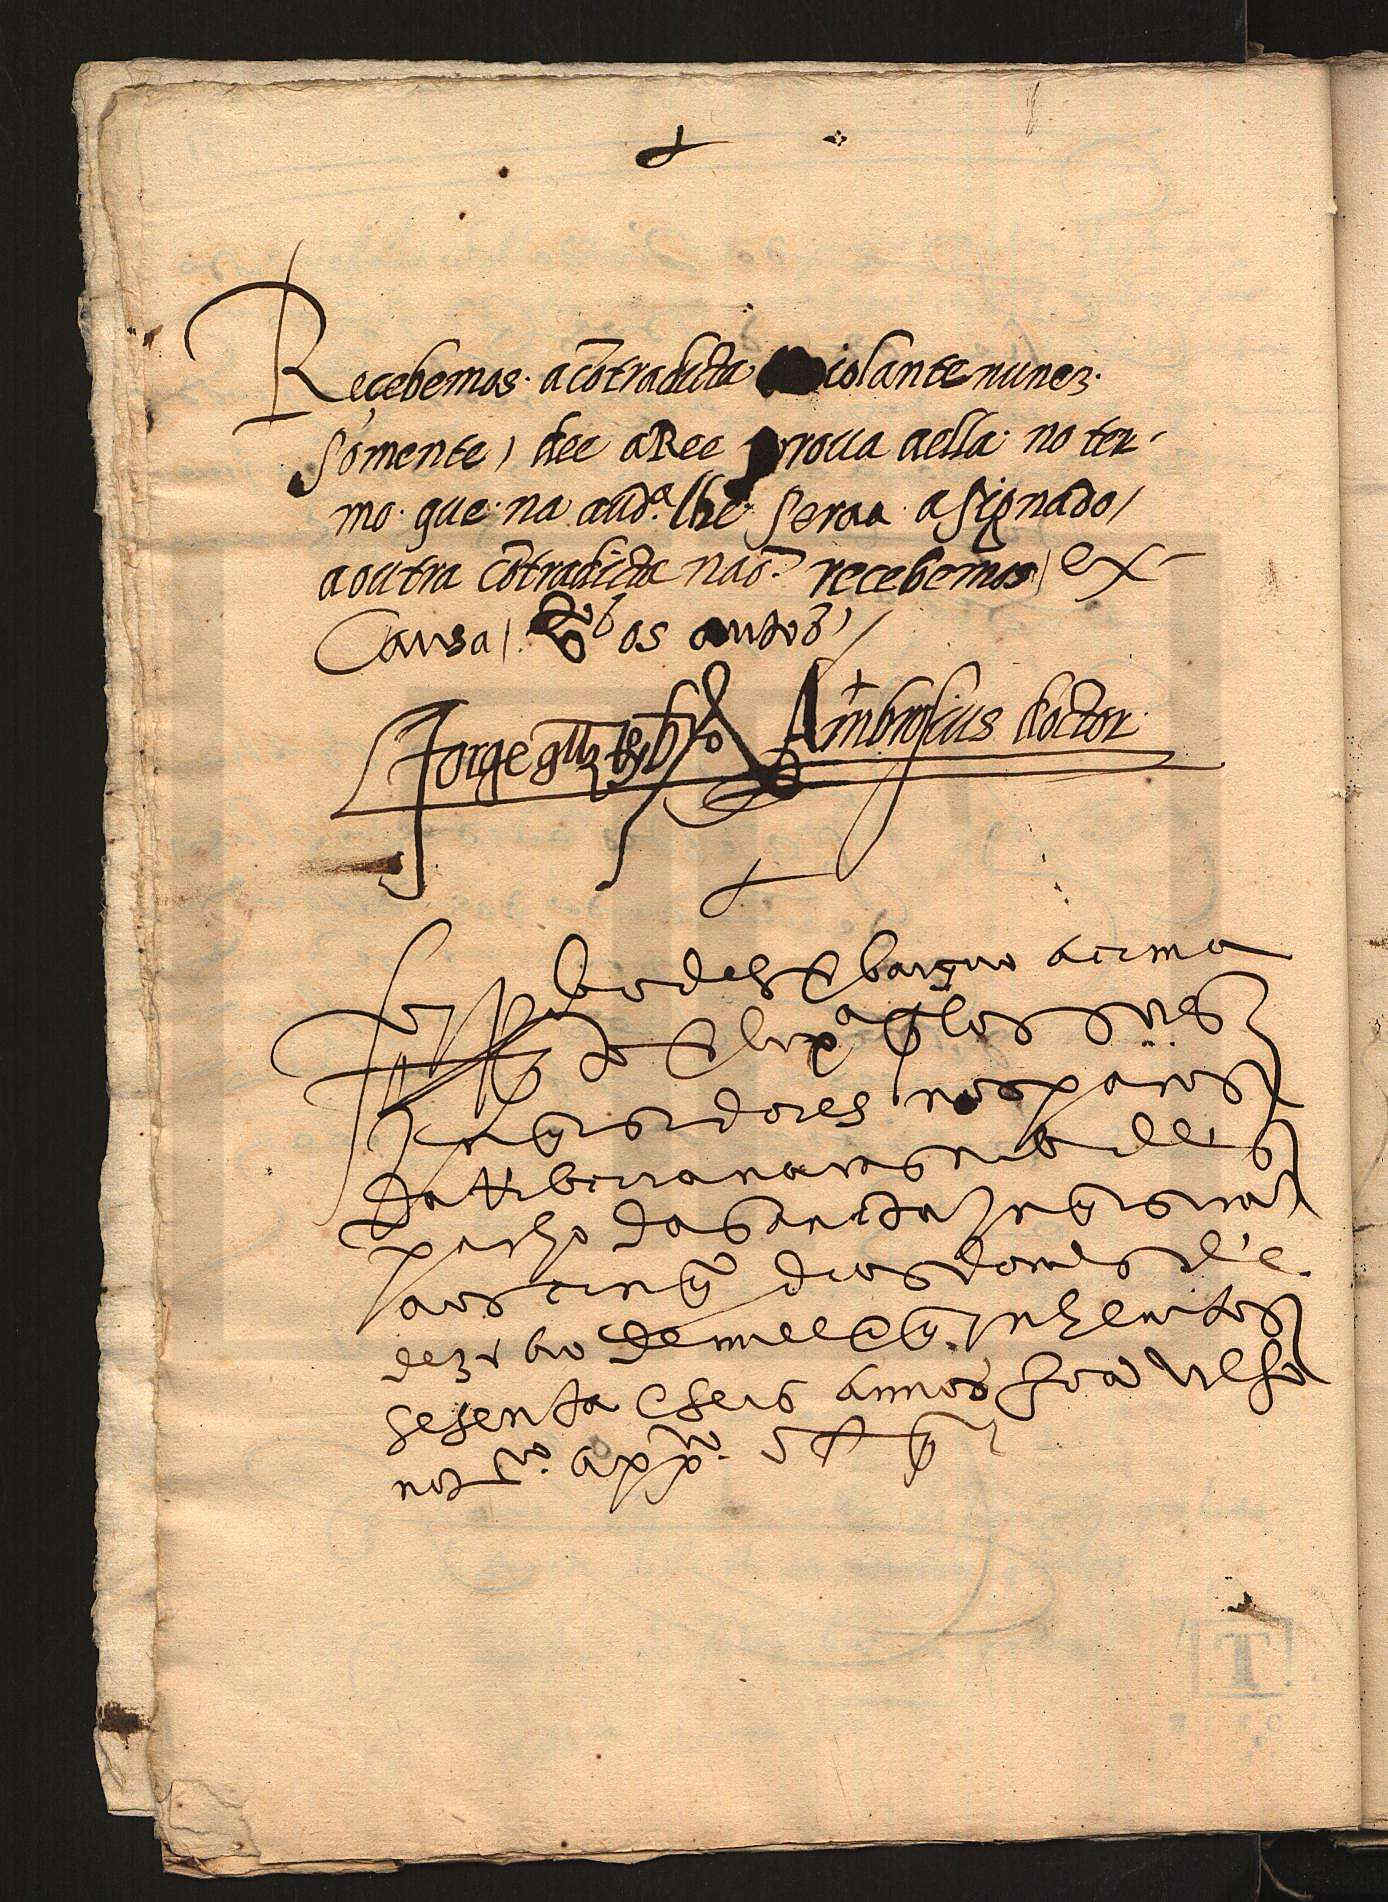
Recebemos a cōtradicta _iolante nunez
somente, dee a Ree _roua a ella no ter
mo que na auda. lhe seraa asignado /
a outra cōtradicta naõ recebemos / ex
Causa /. vtos os autos /
Ambrosius doctor
Jorge ḡllz Rybro
foj ꝓdo o desēbarguo acima
stp̄to ē lixa p̄los sores̄
Jnq̄sidores nos paços
da Ribeira na casa do des
pacho da sancta Jnq̄eseçā
aos cinq̄o dias do mes de
dezēbro de mill e q̄jnhentos
sesenta e seis annos Joā velho
notro appco o stp̄uj
